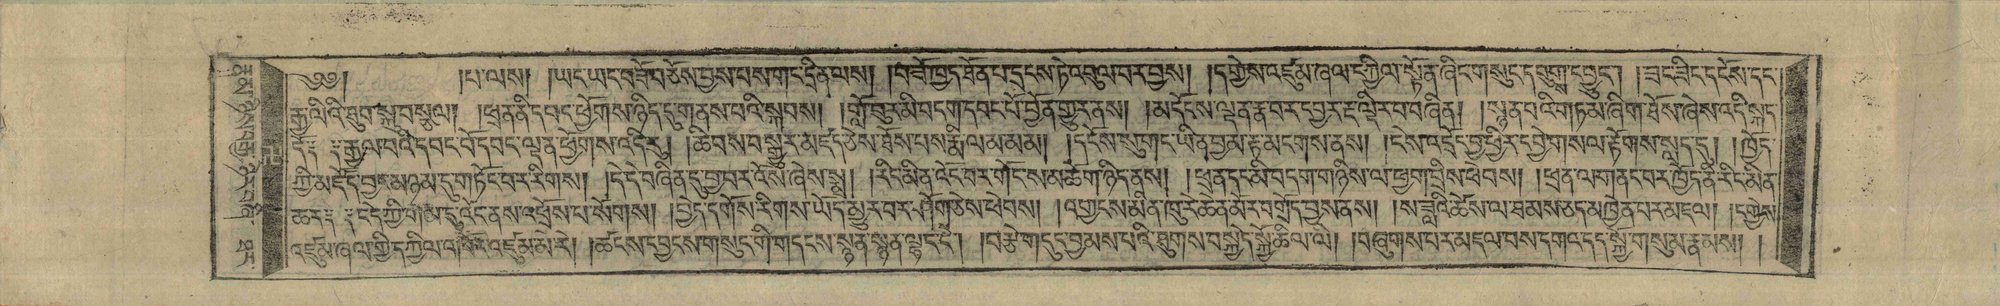༄༅། །པ་ལས། །ཡང་ཡང་བཟོ་བཅོས་བྱས་པས་གང་དྲིན་ལས། །བཟོ་ཁྱད་ཐོན་པ་དྲངས་ཏེ་འབུལ་བར་བྱས། །དགྱེས་འཛུམ་ཞལ་དཀྱིལ་སྟོན་ཞིང་གསུང་དབུགས་དབྱུང་། །ཟང་ཟིང་དངོས་དང་
རྒྱ་ལིའི་ཐུབ་སྐུ་བསྩལ། །ཕྲན་ནི་དབང་ཕྱོགས་ཉིད་དུ་གནས་པའི་སྐབས། །གློ་བུར་མི་བདག་དབང་པོ་བྱོན་གྱུར་ནས། །མདོངས་ལྡན་རྣ་བར་དབྱར་རྔ་ལྡིར་བ་བཞིན། །སྙན་པའི་གཏམ་ཞིག་ཐོས་ཞེས་འདི་སྐད་
དོ། །རྒྱལ་བའི་དབང་པོ་དབང་ལྡན་ཕྱོགས་འདི་རུ། །ཆིབས་བསྒྱུར་མཛད་ཅེས་ཐོས་པས་རྨི་ལམ་མམ། །དངོས་སུ་གང་ཡིན་བྱ་མ་རྟ་མངགས་ནས། །ངེས་འདྲོང་བྱ་ཕྱིར་དབྱེ་གསལ་རྟོགས་སླད་དུ། །ཁྱོད་
ཀྱི་མཛོད་བྱང་མཉམ་དུ་གཏོང་བར་རིགས། །དེ་དེ་བཞིན་དུ་བྱ་བར་འོས་ཞེས་སྨྲ། །རིང་མིན་འོང་བར་གོང་ས་མཆོག་ཉིད་ནས། །ཕྲན་དང་མི་བདག་གཉིས་ལ་ཕྱག་བྲིས་ཕེབས། །ཕྲན་ལ་གནང་བར་ཁྱོད་ནི་རིང་མིན་
ཆར། །ངེད་ཀྱི་གམ་དུ་འོང་ནས་འཕྲོས་པ་སོགས། །བྱེད་དགོས་རིགས་ཡོད་མྱུར་བར་ཤོག་ཅེས་ཕེབས། །འགྱངས་མིན་ཁུ་རེ་ཆེན་མོར་བགྲོད་བྱས་ནས། །ས་ཟླའི་ཚེས་ལ་ཐམས་ཅད་མཁྱེན་པར་མཇལ། །དགྱེས་
འཛུམ་ཞལ་གྱི་དཀྱིལ་འཁོར་འཛུམ་མེ་རེ། །ཚངས་དབྱངས་གསུང་གི་གདངས་སྙན་སྙན་ལྷང་ངེ། །བརྩེ་གདུང་བྱམས་པའི་ཐུགས་བསྐྱེད་སྐྱོ་ཆིལ་ལི། །བཞུགས་པར་མཇལ་བས་དགའ་དད་སྐྱོ་གསུམ་རྣམས། །